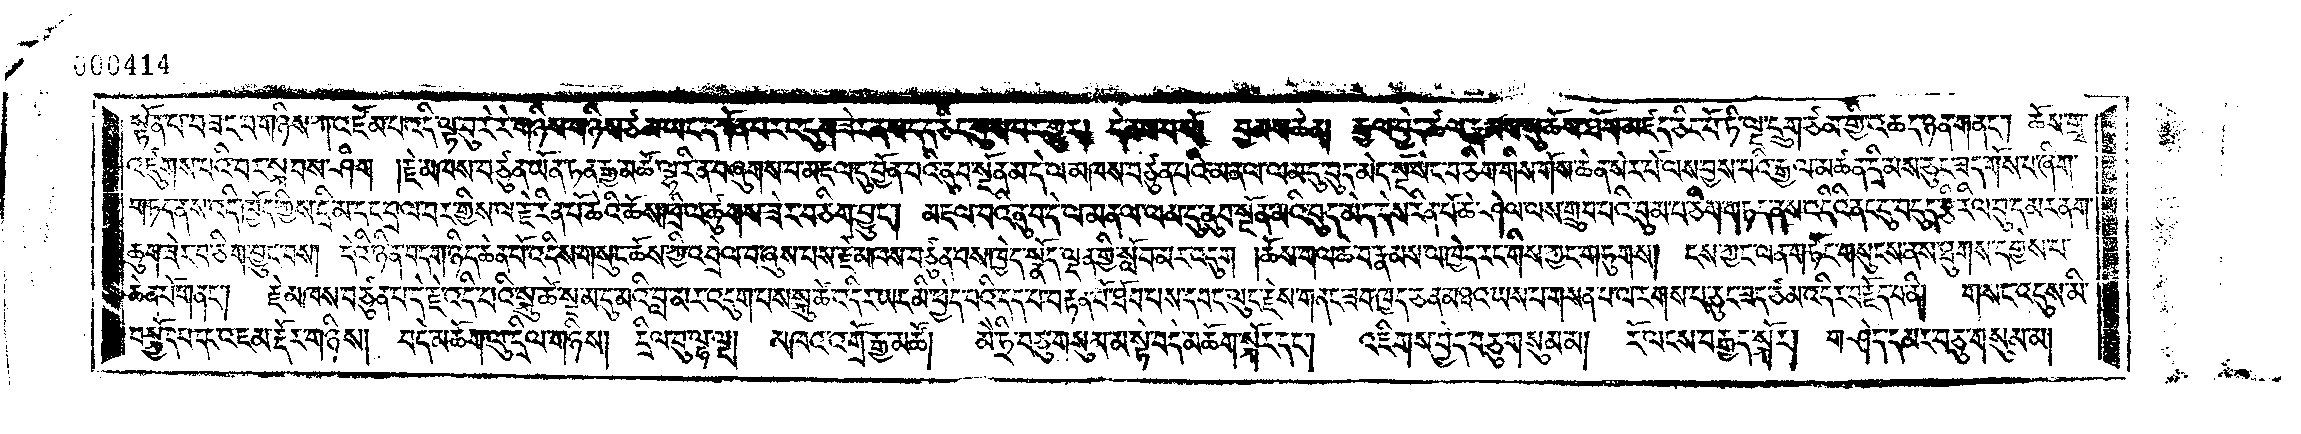སྟོན་པ་བཟང་བ་གཉིས་ཀ་འཛོམ་པ་འདི་ལྟ་བུ་རེ་རེ་གཉིས་གཉིས་ཙམ་ཡང་དཀོན་པར་འདུག་ཟེར་ནས་དད་ཅིང་གུས་པར་གྱུར། དེ་ནས་བ་སོ། བྱམས་ཆེན། རྒྱལ་བྱེད་ཚལ་རྣམས་སུ་ཆོས་ཐོག་མཛད་ཅིང་པོ་ཏི་ལྔ་དྲུག་ཙམ་གྱི་འཆད་ཉན་གནང་། ཆོས་གྲྭ་
འཛུགས་པའི་བར་སྐབས་ཤིག །རྗེ་མཁས་བཙུན་ཡོན་ཏན་རྒྱ་མཚོ་ལྷ་རིན་བཞུགས་པ་མཇལ་དུ་བྱོན་པའི་ནུབ་སྔོན་མ་དེ་ལ་མཁས་བཙུན་པའི་མནལ་ལམ་དུ་བུད་མེད་སྔོ་སེང་བ་ཅིག་གིས་གོས་ཆེན་སེར་པོ་ལས་བྱས་པའི་རྒྱལ་མཚན་དྲི་མས་ཅུང་ཟད་གོས་པ་ཞིག་
གཏད་ནས་འདི་ཁྱོད་ཀྱིས་དྲི་མ་དང་བྲལ་བར་གྱིས་ལ་རྗེ་རིན་པོ་ཆེའི་ཆོས་ཁྲིལ་ཚུགས་ཟེར་བ་ཅིག་བྱུང་། མཇལ་བའི་ནུབ་དེ་ལ་མནལ་ལམ་དུ་ནུབ་སྔོན་མའི་བུད་མེད་དེས་རིན་པོ་ཆེ་ཤེལ་ལས་གྲུབ་པའི་བུམ་པ་ཅིག་གཏད་ནས་འདིའི་ནང་དུ་བདུད་རྩི་རིལ་བུ་དམར་ནག་
ཆུག་ཟེར་བ་ཅིག་བྱུང་བས། དེའི་ཉིན་བདག་ཉིད་ཆེན་པོ་འདིས་གསུང་ཆོས་ཀྱི་འབྲེལ་བ་ཞུས་པས་རྗེ་མཁས་བཙུན་པས་ཁྱེད་སྣོད་ལྡན་གྱི་སློབ་མར་འདུག །ཆོས་གལ་ཆེ་བ་རྣམས་ལ་ཁྱེད་རང་གིས་ཀྱང་གཏུགས། ངས་ཀྱང་ལན་གཏོང་གསུངས་ནས་ཐུགས་དགྱེས་པ་
ཆེན་པོ་གནང་། རྗེ་མཁས་བཙུན་པ་དེ་རྗེ་འདི་པའི་སྐུ་ཚེ་སྔ་མ་དུ་མའི་བླ་མར་འདུག་པས་སྐུ་ཚེ་འདིར་ཡང་མི་ཕྱེད་པའི་དད་པ་བརྟན་པོ་ཐོབ་པས་དབང་ལུང་རྗེས་གནང་ཟབ་ཁྱད་ཅན་མཐའ་ཡས་པ་གསན་པ་ལ་རགས་པ་ཅུང་ཟད་ཙམ་འདིར་བརྗོད་པ་ནི། གསང་འདུས་མི་
བསྐྱོད་པ་དང་འཇམ་རྡོར་གཉིས། བདེ་མཆོག་ལུ་དྲིལ་གཉིས། དྲིལ་བུ་ལྷ་ལྔ། མཁའ་འགྲོ་རྒྱ་མཚོ། མཻ་ཏྲི་བཅུ་གསུམ་མ་སྟེ་བདེ་མཆོག་སྐོར་དང་། འཇིགས་བྱེད་བཅུ་གསུམ་མ། རོ་ལངས་བརྒྱད་སྐོར། གཤེད་དམར་བཅུ་གསུམ་མ།